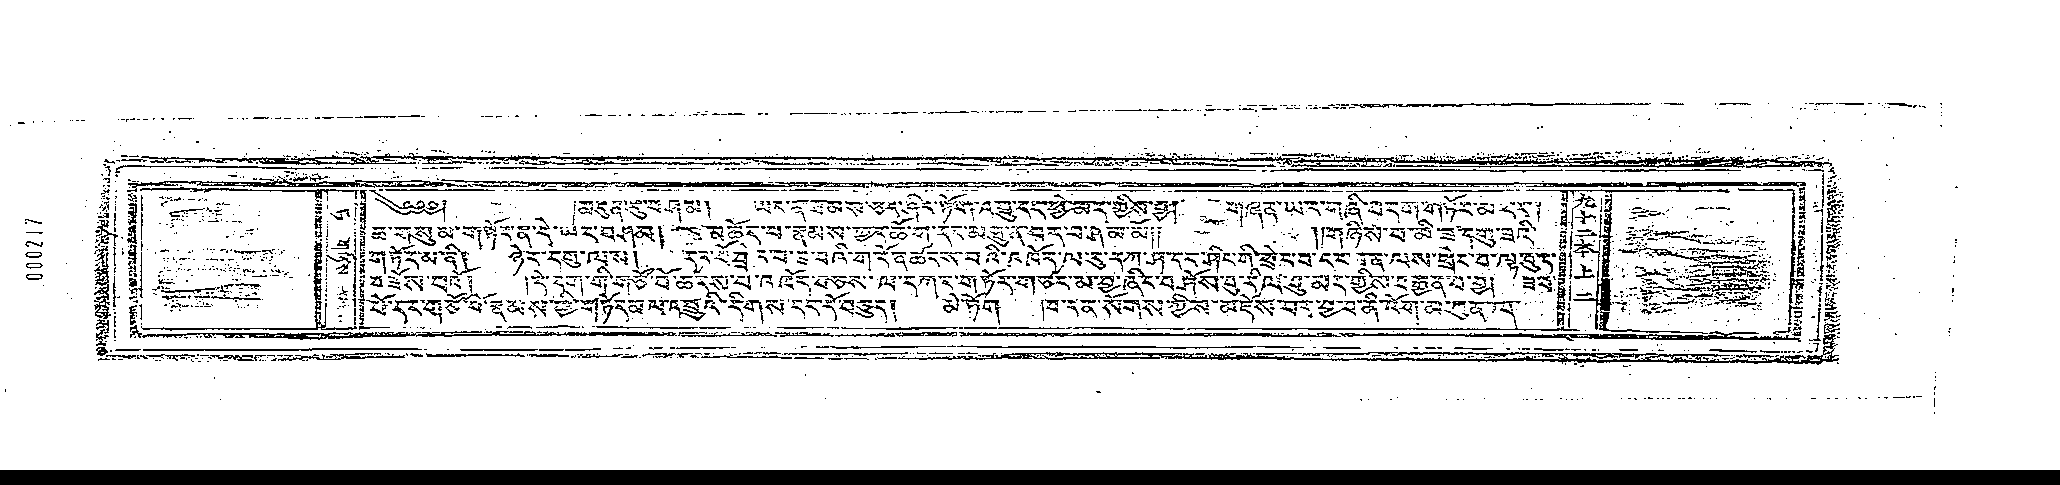༄༅༅། །མདུན་དུ་བཤམ། ཡང་ན་ཐམས་ཅད་ཤིང་ཏོག་འབྲུ་དང་ཕྱེ་མར་གྱིས་བྱ། གཞན་ཡང་གཞི་བདག་གཏོར་མ་དང་།
ཆ་གསུམ་གཏོང་ན་དེ་ཡང་བཤམ། མཆོད་པ་རྣམས་ཀྱང་ཆོ་ག་དང་མཐུན་པར་བཤམ་མོ།། །།གཉིས་པ་མི་ཟ་དགུ་ཟའི་
གཏོར་མ་ནི། ཉེར་དགུ་ལས། དང་པོ་ཕྲེང་བ་ཟ་བའི་གདོན་ཚངས་པའི་འཁོར་ལ་རུ་ར་ཀ་ཤ་དང་ཤིང་གི་ཕྲེང་བ་དང་ཟན་ལས་ཕྲེང་བ་ལྟ་བུར་
བཟོས་པའོ། །དེ་དག་གི་གཙོ་བོ་ཚངས་པ་འཁོར་བཅས་ལ་དཀར་གཏོར་གཙང་མ་བྱ་ཞིང་བཤོས་བུ་རིལ་བུ་མར་གྱིས་བརྒྱན་པ་བྱ། ཟ་བ་
པོ་དང་གཙོ་བོ་རྣམས་ཀྱི་གཏོར་མ་ལ་འབྲུའི་རིགས་དང་རོ་བཅུད། མེ་ཏོག །བ་དན་སོགས་ཀྱིས་མཛེས་པར་བྱ་བ་ནི་འོག་མ་ཀུན་ལ་